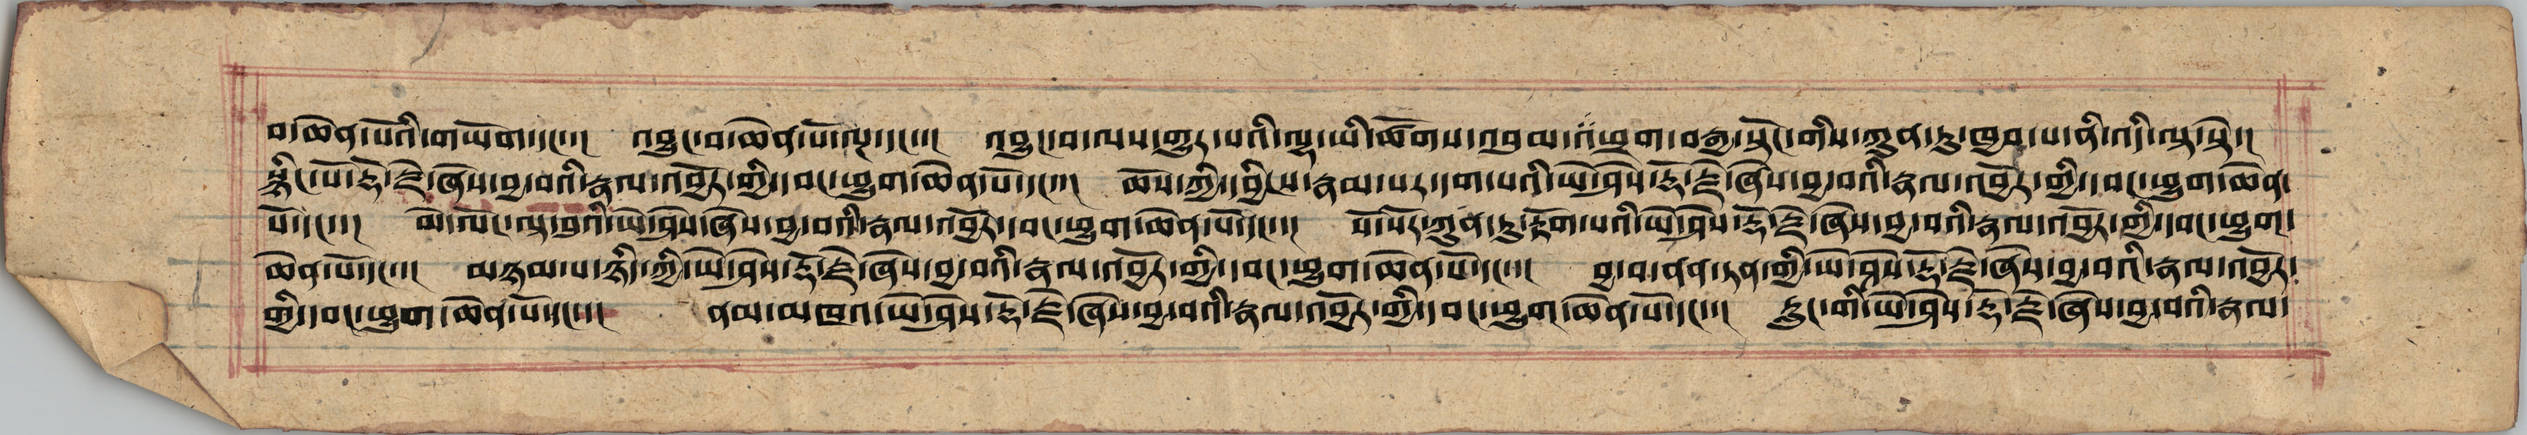བ་ཆེན་པོའི་གཡོག་དང་་། འབྱུང་བ་ཆེན་པོ་ལྔ་དང་་། འབྱུང་བ་ལས་གྱུར་པའི་ལྷ་ཡི་ཚོགས་འབུམ་འཕྲག་བརྒྱ་སྟོང་གིས་ཀུན་ཏུ་ཁྱབ་པ་ནི་འདི་ལྟ་སྟེ་།
སྙིང་པོ་རྡོ་རྗེ་ཞེས་བྱ་བའི་རྣལ་འབྱོར་གྱི་དབང་ཕྱུག་ཆེན་པོ་དང་་། ཆོས་ཀྱི་དབྱིིངས་རྣམ་པར་དག་པའི་ཡེ་ཤེས་རྡོ་རྗེ་ཞེས་བྱ་བའི་རྣལ་འབྱོར་གྱི་དབང་ཕྱུག་ཆེན་
པོ་དང་་། མེ་ལོང་ལྟ་བུའི་ཡེ་ཤེས་ཞེས་བྱ་བའི་རྣལ་འབྱོར་དབང་ཕྱུག་ཆེན་པོ་དང་་། སོ་སོར་ཀུན་ཏུ་རྟོག་པའི་ཡེ་ཤེས་རྡོ་རྗེ་ཞེས་བྱ་བའི་རྣལ་འབྱོར་གྱི་དབང་ཕྱུག་
ཆེན་པོ་དང་་། མཉམ་པ་ཉིད་ཀྱི་ཡེ་ཤེས་རྡོ་རྗེ་ཞེས་བྱ་བའི་རྣལ་འབྱོར་གྱི་དབང་ཕྱུག་ཆེན་པོ་དང་་། བྱ་བ་ནན་ཏན་གྱི་ཡེ་ཤེས་རྡོ་རྗེ་ཞེས་བྱ་བའི་རྣལ་འབྱོར་
གྱི་དབང་ཕྱུག་ཆེན་པོ་དང་་། ནམ་མཁའ་ཡེ་ཤེས་རྡོ་རྗེ་ཞེས་བྱ་བའི་རྣལ་འབྱོར་གྱི་དབང་ཕྱུག་ཆེན་པོ་དང་་། རླུང་གི་ཡེ་ཤེས་རྡོ་རྗེ་ཞེས་བྱ་བའི་རྣལ་